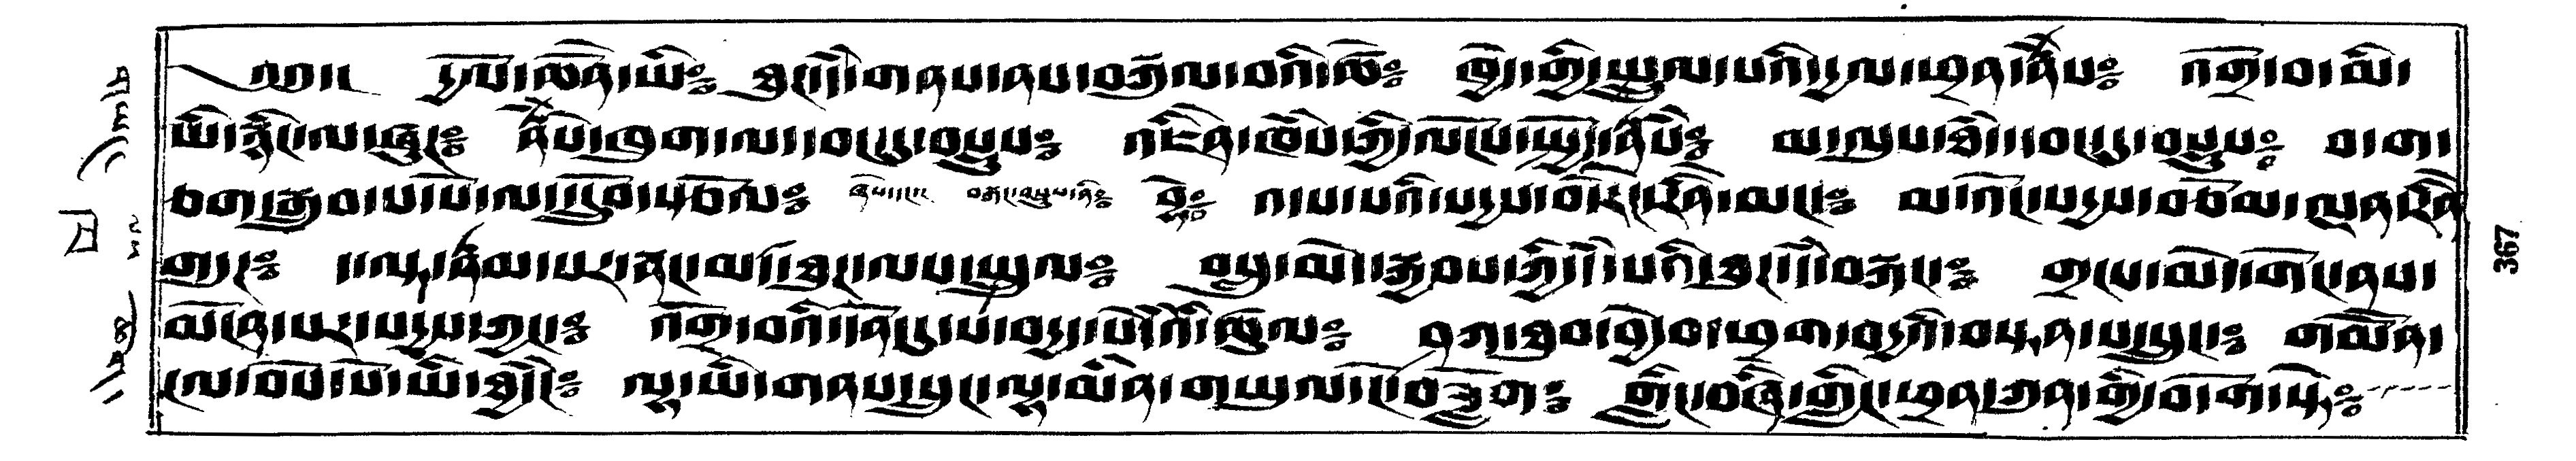རྒྱལ་པོ་ཆེན་པོ་ཡི༔ ཐུགས་དམ་གནད་ནས་བསྐུལ་བའི་ཚེ༔ ཁྱེད་ཀྱི་སྤྲུལ་པའི་རྒྱལ་ཕྲན་རྣམས༔ འགྲོ་བ་མི་
ཡི་སྙིང་ལ་ཞུགས༔ རྣམ་ཤེས་ཁུག་ལ་དབང་དུ་བསྡུས༔ འཇིག་རྟེན་ཁམས་ཀྱི་ལོངས་སྤྱོད་རྣམས༔ མ་ལུས་ཐམས་ཅད་དབང་དུ་བསྡུས༔ བདག་
ཅག་སྒྲུབ་པ་པོ་ལ་དངོས་གྲུབ་སྩོལ༔ ཞེས་དང་། བསྐང་བསྡུས་ནི༔ བྷེ༔ འདས་པའི་སངས་རྒྱས་བདེ་གཤེགས་རིན་ཆེན་མང༔ མ་འོངས་སངས་རྒྱས་བཅོམ་ལྡན་རིན་
ཆེ་གདུགས༔ ད་ལྟ་རྣམ་པར་སྣང་མཛད་ཐུགས་ལས་སྤྲུལ༔ བསླུ་མེད་སྐྱབས་ཀྱི་དམ་པའི་ཐུགས་དམ་བསྐང༔ གྲགས་མེད་གོང་ནས་
མངོན་པར་སངས་རྒྱས་ཀྱང༔ འགྲོ་བའི་དོན་དུ་ས་བརྒྱད་སེམས་དཔའི་ཚུལ༔ ཤཱཀ་ཐུབ་བྱེ་བ་ཕྲག་བརྒྱའི་བསྟན་པ་སྲུང༔ མགོན་པོ་
ངལ་བསོས་པོ་ཡི་ཐུགས་དམ་བསྐང༔ལྷ་ཡི་གནས་སྲུང་ལྷ་མིན་གཡུལ་ངོ་བཟློག༔ གླིང་བཞི་གླིང་ཕྲན་ཀུན་གྱི་བདག་པོ་སྟེ༔